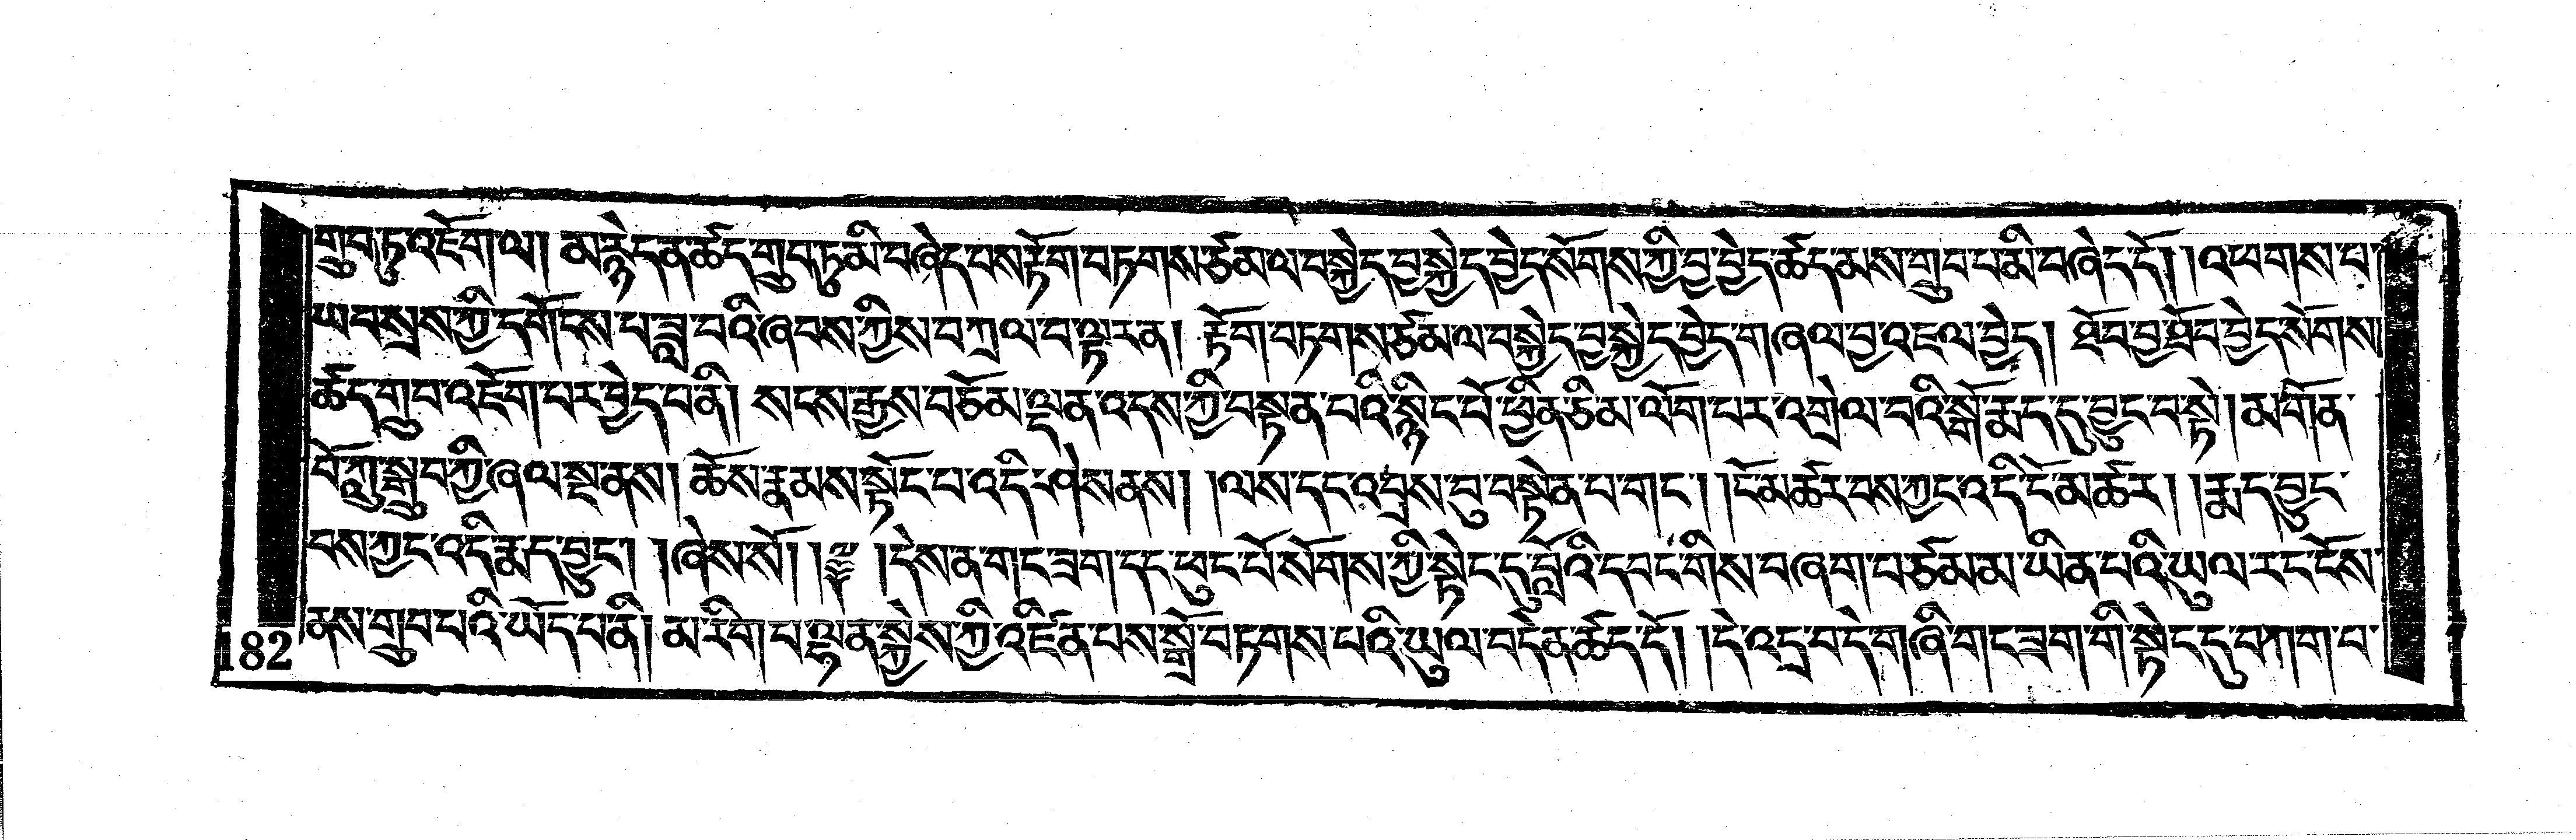གྲུབ་ཏུ་འཇོག་ལ། མ་རྙེད་ན་ཚད་གྲུབ་ཏུ་མི་བཞེད་པས་རྟོག་བཏགས་ཙམ་ལ་བསྐྱེད་བྱ་སྐྱེད་བྱེད་སོགས་ཀྱི་བྱ་བྱེད་ཚད་མས་གྲུབ་པ་མི་བཞེད་དོ། །འཕགས་པ་
ཡབ་སྲས་ཀྱི་དགོངས་པ་ཟླ་བའི་ཞབས་ཀྱིས་བཀྲལ་བ་ལྟར་ན། རྟོག་བཏགས་ཙམ་ལ་བསྐྱེད་བྱ་སྐྱེད་བྱེད་གཞལ་བྱ་འཇལ་བྱེད། ཐོབ་བྱ་ཐོབ་བྱེད་སོགས་
ཚད་གྲུབ་འཇོག་པར་བྱེད་པ་ནི། སངས་རྒྱས་བཅོམ་ལྡན་འདས་ཀྱི་བསྟན་པའི་སྙིང་པོ་ཕྱིན་ཅི་མ་ལོག་པར་འགྲེལ་བའི་སྒོ་རྨད་དུ་བྱུང་བ་སྟེ། མགོན་
པོ་ཀླུ་སྒྲུབ་ཀྱི་ཞལ་སྔ་ནས། ཆོས་རྣམས་སྟོང་པ་འདི་ཤེས་ནས། །ལས་དང་འབྲས་བུ་བསྟེན་པ་གང་། །ངོ་མཚར་བས་ཀྱང་འདི་ངོ་མཚར། །རྨད་བྱུང་
བས་ཀྱང་འདི་རྨད་བྱུང་། །ཞེས་སོ།། ༈ །དེས་ན་གང་ཟག་དང་ཕུང་པོ་སོགས་ཀྱི་སྟེང་དུ་བློའི་དབང་གིས་བཞག་པ་ཙམ་མ་ཡིན་པའི་ཡུལ་རང་ངོས་
ནས་གྲུབ་པའི་ཡོད་པ་ནི། མ་རིག་པ་ལྷན་སྐྱེས་ཀྱི་འཛིན་པས་སྒྲོ་བཏགས་པའི་ཡུལ་བདེན་ཚད་དོ། །དེ་འདྲ་བ་དེ་གཞི་གང་ཟག་གི་སྟེང་དུ་བཀག་པ་